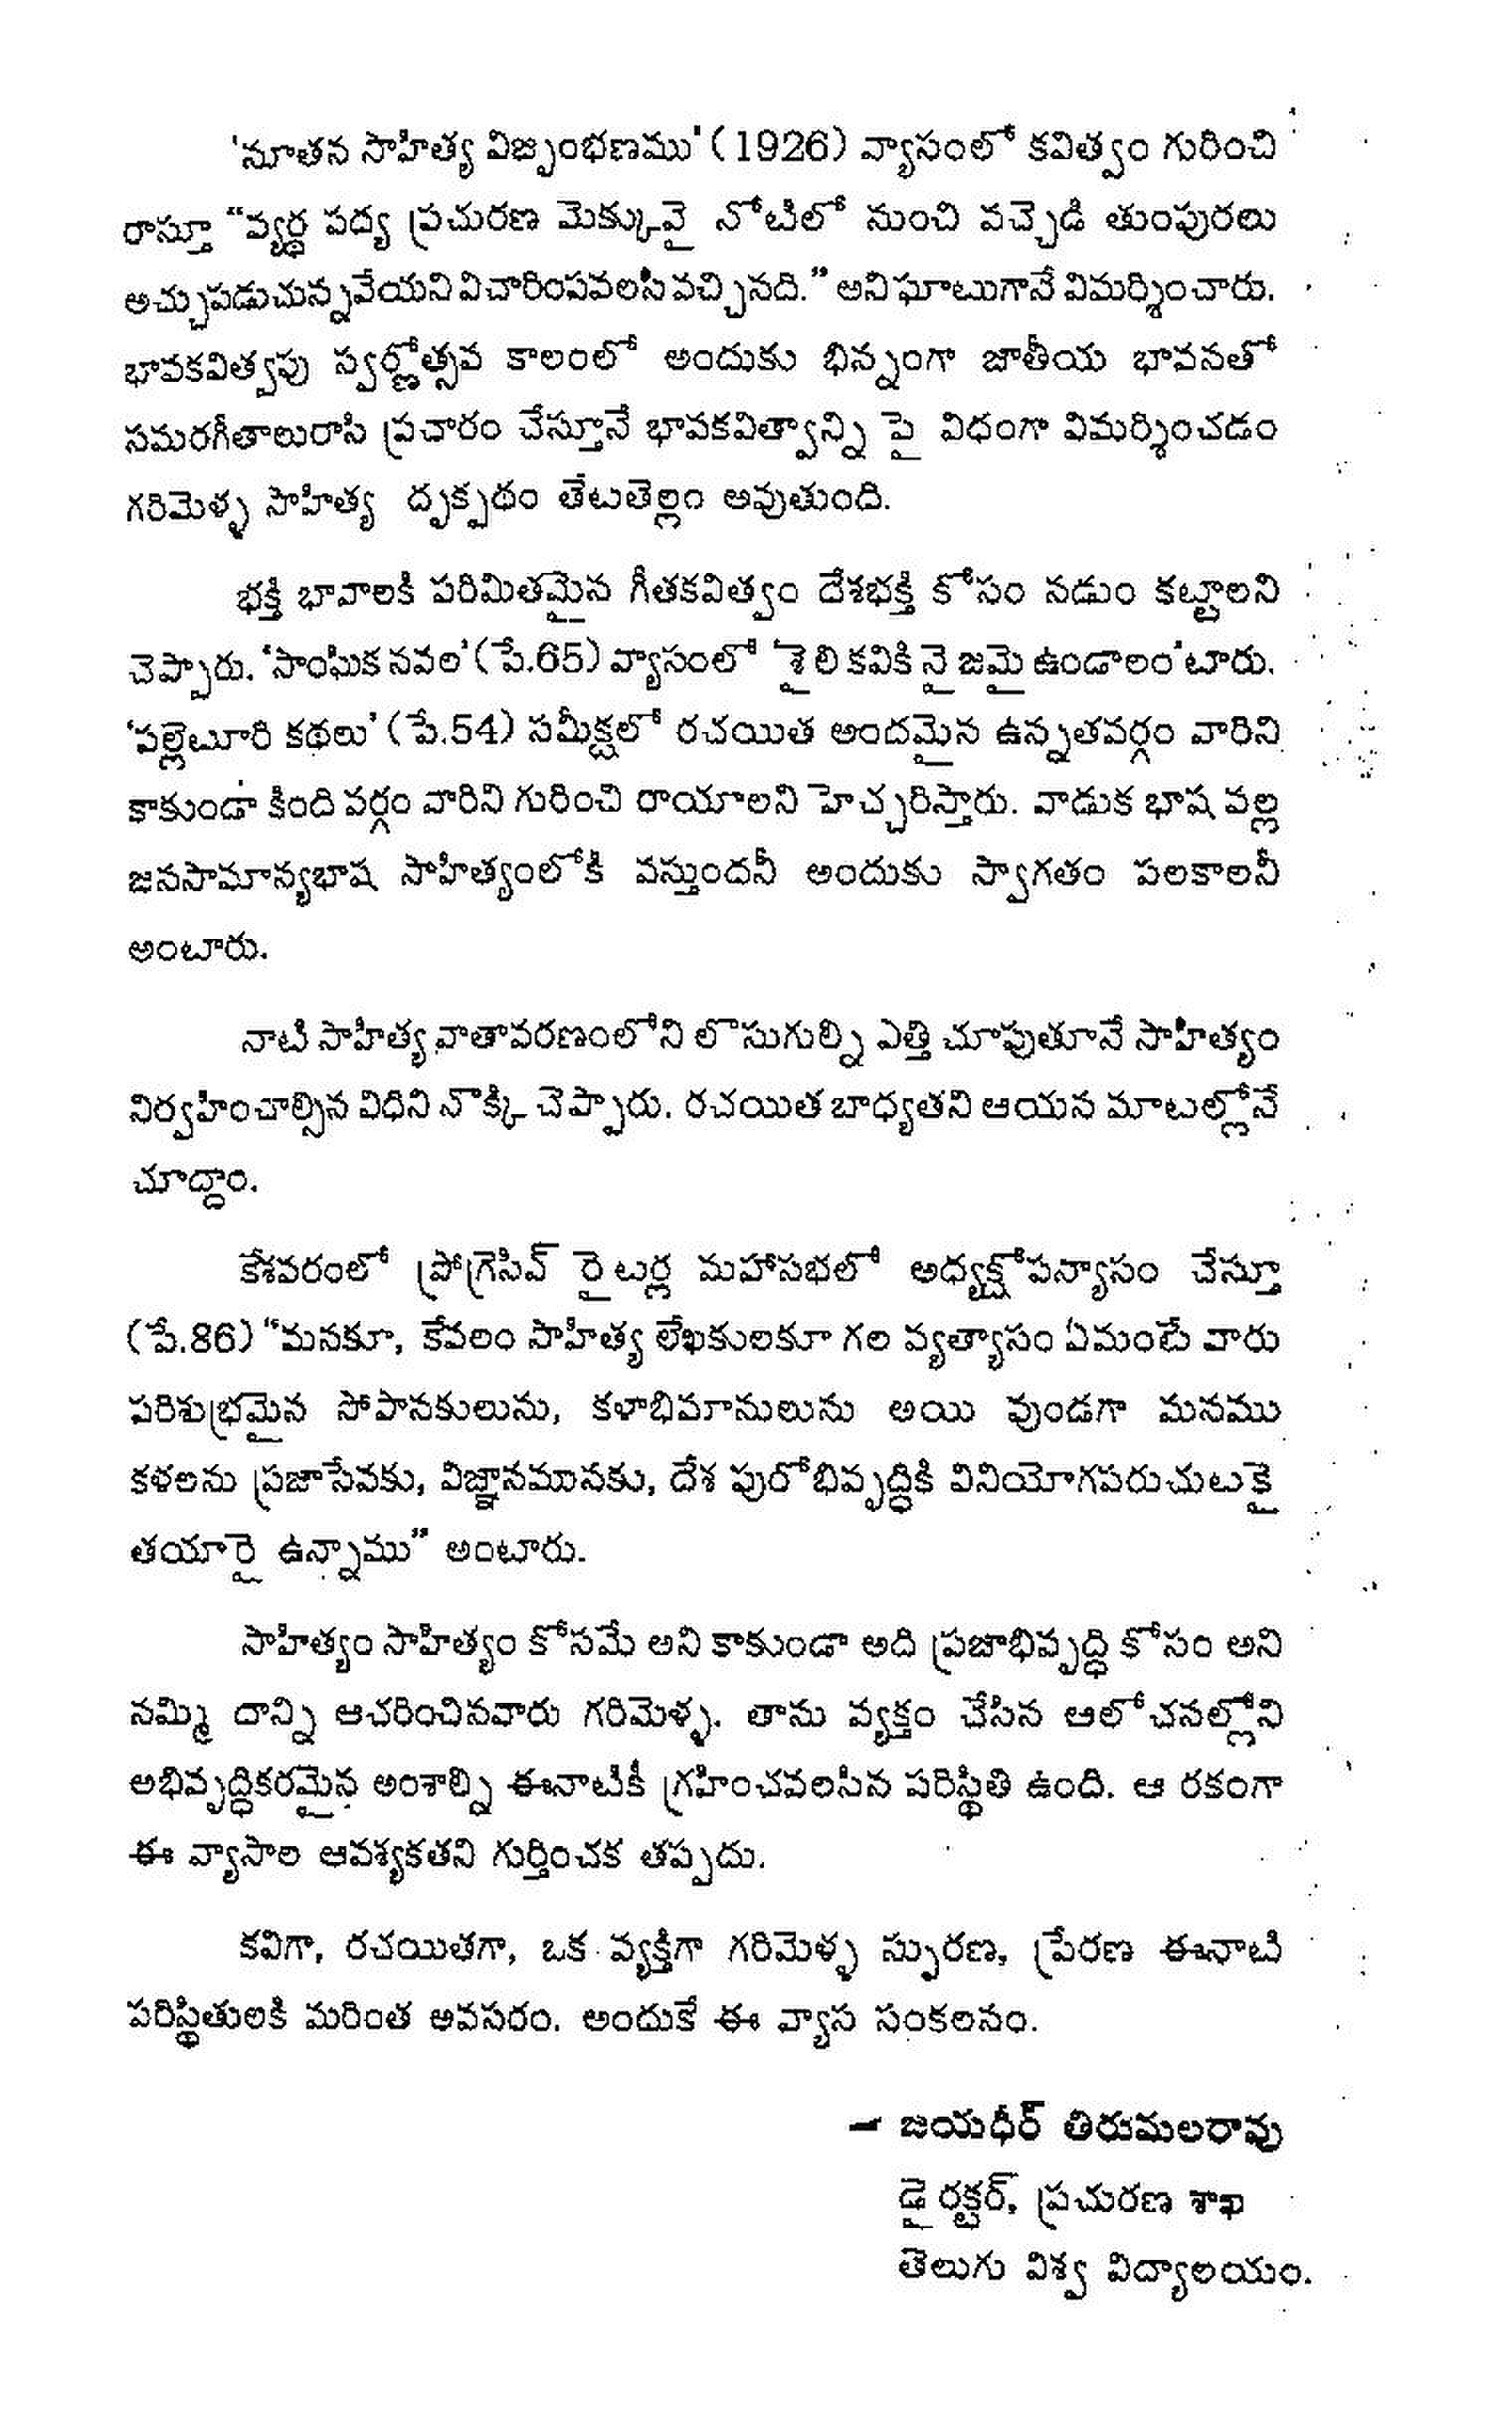'నూతన సాహిత్య విజృంభణము ' (1928) వ్యాసంలో కవిత్వం గురించి రాస్తూ "వ్యర్ధ పద్య ప్రచురణ మెక్కువై నోటిలో నుంచి వచ్చెడి తుంపురలు అచ్చు పడుచున్నవేయని విచారింపవలసి వచ్చినది. " అని ఘాటుగానే విమర్శించారు. భావకవిత్వపు స్వర్ణోత్సవ కాలంలో అందుకు భిన్నంగా జాతీయ భావనతో సమరగీతాలురాసి ప్రచారం చేస్తూనే భావకవిత్వాన్ని పై విధంగా విమర్శించడం గరిమెళ్ళ సాహిత్య దృక్పధం తేటతెల్లం అవుతుంది.

భక్తిభావాలకి పరిమితమైన గీతకవిత్వం దేశభక్తికోసం నడుం కట్టాలని చెప్పారు. 'సాంఘిక నవల ' (పే.65) వ్యాసంలో 'శైలికవికినైజమైఉండాలం ' టారు. 'పల్లెటూరి కధలు ' (పే.54) సమీక్షలో రచయిత అందమైన ఉన్నతవర్గం వారిని కాకుండా కింది వర్గం వారిని గురించి రాయాలని హెచ్చరిస్తారు. వాడుక భాష వల్ల జనసామాన్యభాష సాహిత్యంలోకి వస్తుందనీ అందుకు స్వాగతం పలకాలనీ అంటారు.

నాటి సాహిత్యవాతావరణంలోని లొసుగుల్నిఎత్తిచూపుతూనే సాహిత్యం నిర్వహించాల్సిన విధిని నొక్కి చెప్పారు. రచయిత బాధ్యతని ఆయన మాటల్లోనే చూద్దాం.

కేశవరంలో ప్రోగ్రెసివ్ రైటర్ల మహాసభలో అధ్యక్షోపన్యాసం చేస్తూ (పే.86) "మనకూ, కేవలం సాహిత్యలేఖకులకూ గల వ్యత్యాసం ఏమంటే వారు పరిశుభ్రమైన సోపానకులును, కళాభిమానులును అయి వుండగా మనము కళలను ప్రజాసేవకు, విజ్ఞానమునము, దేశపురోభివృద్దికి వినియోగించుటకై తయారై ఉన్నాము" అంటారు.

సాహిత్యం సాహిత్యం కోసమే అని కాకుండా అది ప్రజాభివృద్దికొసం అని నమ్మి దాన్ని ఆచరించినవారు గరిమెళ్ళ. తాను వ్యక్తం చేసిన ఆలోచనల్లోని అభివృద్ధికరమైన అంశాల్ని ఈనాటికి గ్రహించవలసిన పరిస్థితి ఉంది. ఆ రకంగా ఈవ్యాసాల అవశ్యకతని గుర్తించక తప్పదు.

కవిగా, రచయితగా, ఒక వ్యక్తిగా గరిమెళ్ళ స్పురణ, ప్రేరణ ఈనాటి పరిస్థితులకి మరింత అవసరం. అందుకే ఈ వ్యాస సంకలనం.

--జయధీర్ తిరుమలరావు 
డైరెక్టర్, ప్రచురణ శాఖ, 
తెలుగు విశ్వవిద్యాలయం